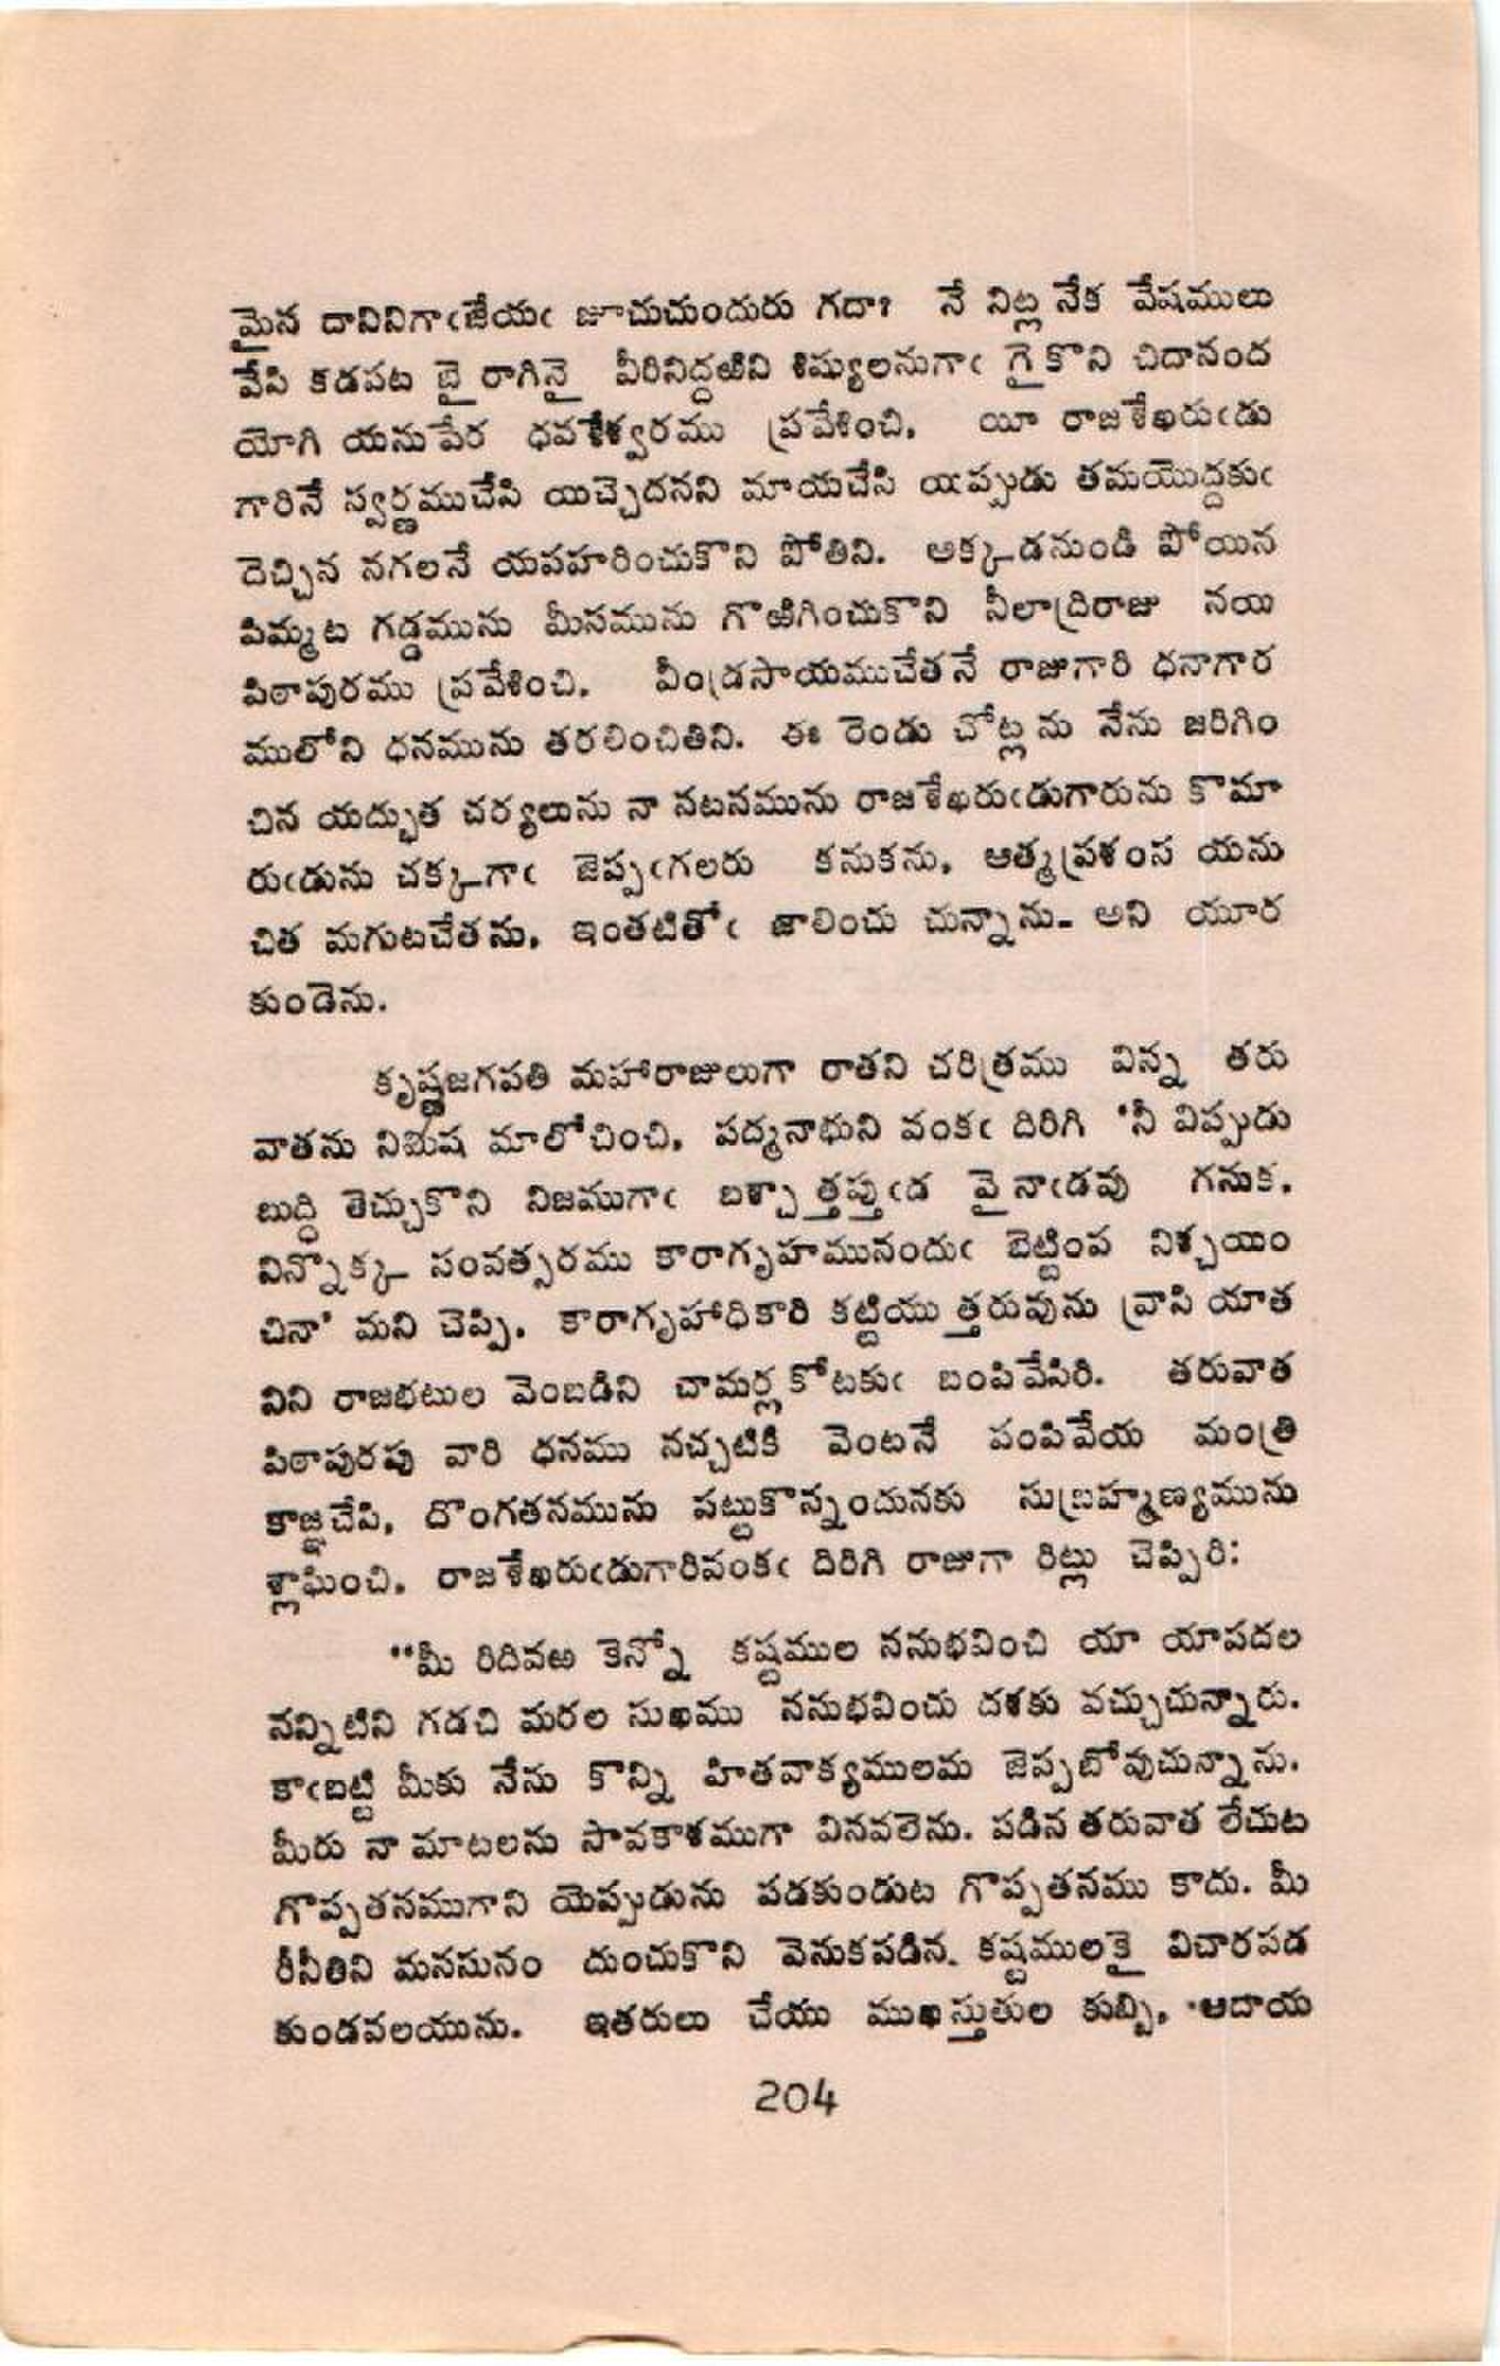మైన దానినిగాఁజేయఁ జూచుచుందురు గదా? నే నిట్ల నేక వేషములు వేసి కడపట బైరాగినై వీరినిద్దఱిని శిష్యులనుగాఁ గైకొని చిదానంద యోగి యను పేర ధవళేశ్వరము ప్రవేశించి, యీ రాజశేఖరుఁడు గారినే స్వర్ణముచేసి యిచ్చెదనని మాయచేసి యిప్పుడు తమయొద్దకుఁ దెచ్చిన నగలనే యవహరించుకొని పోతిని. అక్కడనుండి పోయిన పిమ్మట గడ్డమును మీసమును గొఱిగించుకొని నీలాద్రిరాజు నయి పిఠాపురము ప్రవేశించి, వీండ్రసాయముచేతనే రాజుగారి ధనాగారములోని ధనమును తరలించితిని. ఈ రెండు చోట్లను నేను జరిగించిన యద్భుత చర్యలును నా నటనమును రాజశేఖరుఁడుగారును కొమారుఁడును చక్కగాఁ జెప్పఁగలరు కనుకను, ఆత్మప్రశంస యను చిత మగుటచేతను, ఇంతటితోఁ జాలించు చున్నాను_ అని యూర కుండెను.

కృష్ణజగపతి మహారాజులుగా రాతని చరిత్రము విన్న తరువాతను నిమిష మాలోచించి, పద్మనాభుని వంకఁ దిరిగి "నీ విప్పడు బుద్ధి తెచ్చుకొని నిజముగా బశ్చాత్తప్తుఁడ వైనాఁడవు గనుక, నిన్నొక్క- సంవత్సరము కారాగృహమునందుఁ బెట్టింప నిశ్చయించినా' మని చెప్పి, కారాగృహాధికారి కట్టియుత్తరువును వ్రాసి యాతనిని రాజభటుల వెంబడిని చామర్లకోటకుఁ బంపివేసిరి. తరువాత పిఠాపురపు వారి ధనము నచ్చటికి వెంటనే పంపివేయ మంత్రి కాజ్ఞచేసి, దొంగతనమును పట్టుకొన్నందునకు సుబ్రహ్మణ్యమును శ్లాఘించి రాజశేఖరుఁడుగారివంకఁ దిరిగి రాజుగా రిట్లు చెప్పిరి:

"మీ రిదివఱ కెన్నో కష్టముల ననుభవించి యా యాపదల నన్నిటిని గడచి మరల సుఖము ననుభవించు దశకు వచ్చుచున్నారు. కాఁబట్టి మీకు నేను కొన్ని హితవాక్యములమ జెప్పబోవుచున్నాను. మీరు నా మాటలను సావకాశముగా వినవలెను. పడిన తరువాత లేచుట గొప్పతనముగాని యెప్పుడును పడకుండుట గొప్పతనము కాదు. మీ రీనీతిని మనసునం దుంచుకొని వెనుకపడిన కష్టములకై విచారపడ కుండవలయును. ఇతరులు చేయు ముఖస్తుతుల కుబ్బి, ఆదాయ